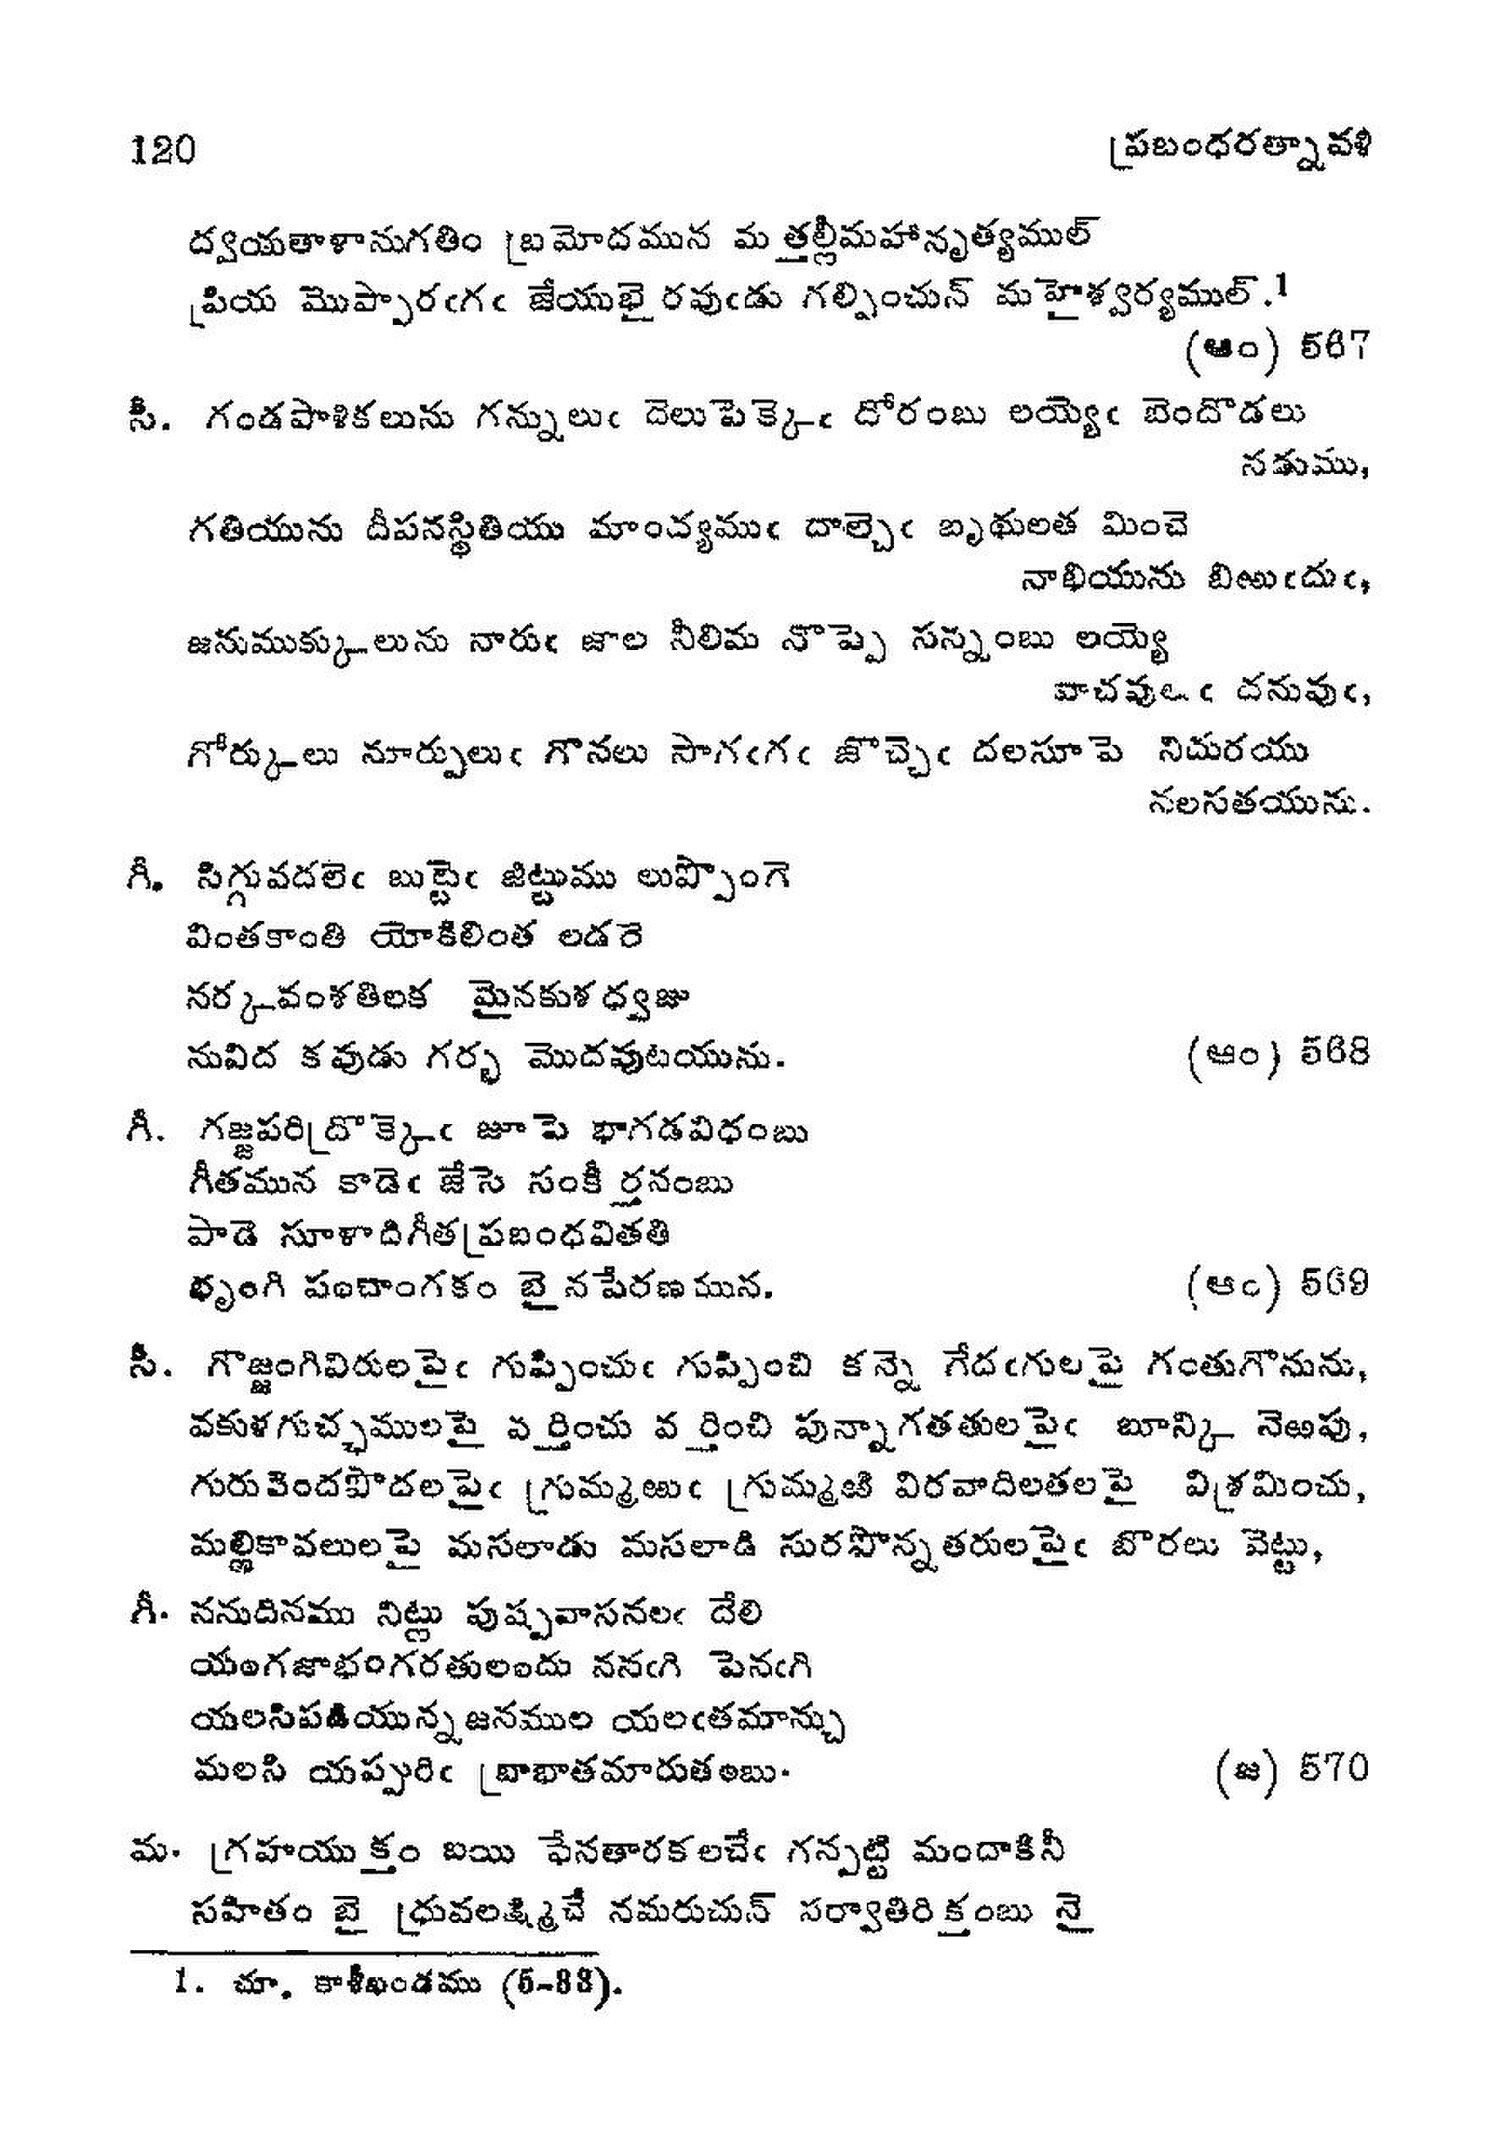ద్వయ తాళానుగతిం బ్రమోదమున మత్తల్లీ మహానృత్యముల్
ప్రియ మొప్పారఁగఁ జేయు భైరవుఁడు గల్పించున్ మహైశ్వర్యముల్. (ఆం) 567

సీ. గండపాళికలును గన్నులుఁ దెలుపెక్కెఁ దోరంబులయ్యెఁ బెందొడలు నడుము,
గతియును దీపనస్థితియు మాంద్యముఁ దాల్చెఁ బృథలత మించె నాభియును బిఱుఁదుఁ,
జను ముక్కులును నారుఁజాల నీలిమ నొప్పె సన్నంబులయ్యె వాచవులుఁ దనువుఁ,
గోర్కులు నూర్పులుఁ గొనలు సాగఁగఁ జొచ్చెఁ దలసూపె నిదురయు నలసతయును,
ఆ. సిగ్గు వదలెఁ బుట్టెఁ జిట్టుము లుప్పొంగె
వింతకాంతి యోకిలింత లడరె
నర్కవంశతిలకమైన కుశధ్వజు
నువిద కపుడు గర్భ మొదవుటయును. (ఆం) 568

గీ. గజ్జపరిద్రొక్కెఁజూపె భాగడవిధంబు
గీతమున కాడెఁ జేసె సంకీర్తనంబు
పాడె సూళాదిగీత ప్రబంధవితతి
భృంగి పంచాంగకంబైన పేరణమున. (ఆం) 569

సీ. గొజ్జంగివిరులపైఁ గుప్పించుఁ కుప్పించి కన్నె గేదఁగులపై గంతు గొనును,
వకుళగుచ్ఛములపై వర్తించు వర్తించి పున్నాగతతులపైఁ బూన్కి నెఱపు,
గురువెందపొదలపైఁ గ్రుమ్మఱుఁ గ్రుమ్మఱి విరవాదిలతలపై విశ్రమించు,
మల్లికావలులపై మసలాడు మసలాడి సురపొన్నతరులపైఁ బొరలు వెట్టు,
గీ. ననుదినము నిట్లు పుష్పవాసనలఁ దేలి
యంగజాభంగరతులందు ననఁగి పెనఁగి
యలసిపడియున్న జనముల యలఁత మాన్పు
మలఁగి యప్పురిఁ బ్రాభాతమారుతంబు. (ఆం) 570

మ. గ్రహయుక్తంబయి ఫేనతారకలచేఁ గన్పట్టి మందాకినీ
సహితంబై ధ్రువలక్ష్మిచే నమరుచున్ సర్వాతిరిక్తంబునై